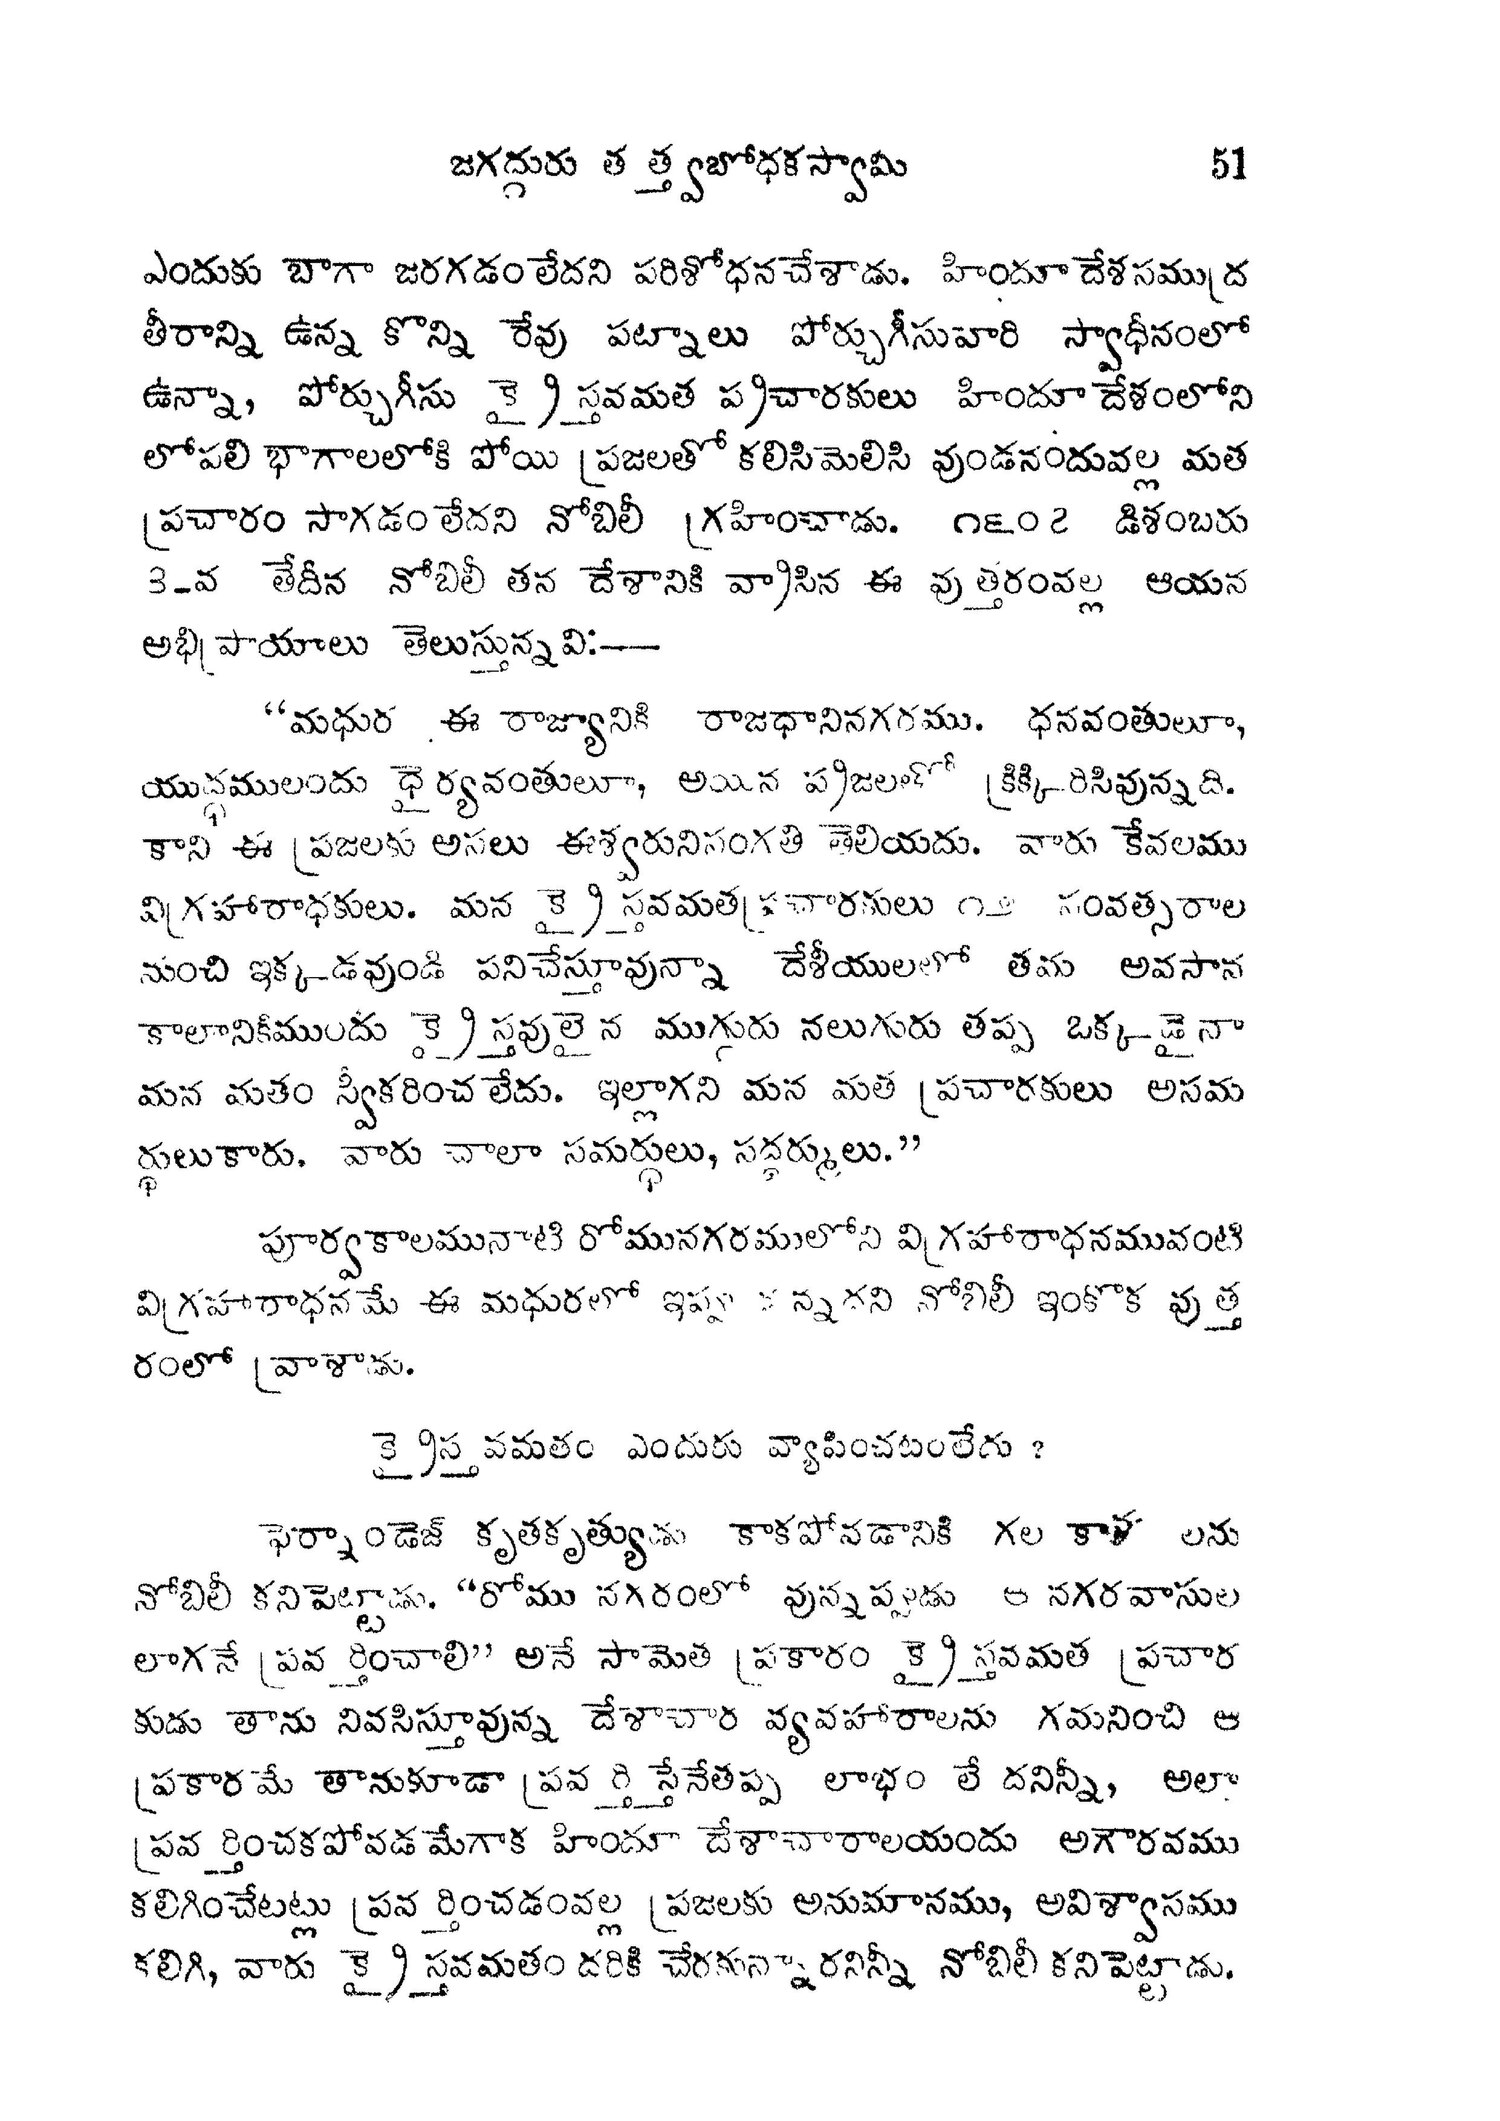ఎందుకు బాగా జరగడంలేదని పరిశోధనచేశాడు. హిందూదేశముసముద్ర తీరాన్ని ఉన్న కొన్ని రేవు పట్నాలు పోర్చుగీసువారి స్వాధీనంలో ఉన్నా, పోర్చుగీసు క్రైస్ధవమత ప్రచారకులు హిందూదేశంలోని లోపలి భాగాలలోకి పోయి ప్రజలతో కలిసిమెలిసి వుండనందువల్ల మతప్రచారం సాగడంలేదని నోబిలీ గ్రహించాడు. 1607 డిశంబరు3 వ తేదీన నోబిలీ తన దేశానికి వ్రాసిన ఈ వుత్తరం వల్ల ఆయన అభిప్రాయాలు తెలుస్తున్నవి:-

"మధుర" ఈ రాజ్యానికి రాజధానినగరము. ధనవంతులూ, యుద్ధములందు ధైర్యవంతులూ, అయిన ప్రజలతో క్రిక్కిరిసివున్నది. కాని ఈ ప్రజలకు అసలు ఈశ్వరునిసంగతి తెలియదు. వారు కేవలము విగ్రహారాధకులు. మన క్రైస్తవమత ప్రచారకులు 12 సంవత్సరాల నుంచి ఇక్కడవుండి పనిచేస్తూవున్నా దేశీయులలో తమ అవసానకాలానికిముందు క్రైస్తవులైన ముగ్గురు నలుగురు తప్ప ఒక్కడైనా మన మతం స్వీకరించలేదు. ఇల్లాగని మన మత ప్రచారకులు అసమర్ధులుకారు. వారు చాలా సమర్ధులు, సద్గర్ములు."
పూర్వకాలమునాటి రోమునగరములోని విగ్రహారాధనమువంటి విగ్రహారాధన మే ఈ మధురలో ఇప్పుడున్నదని నోబిలీ ఇంకొక వుత్తరంలో వ్రాశాడు.

ఫెర్నాండెజ్ కృతకృత్యుడు కాకపొవడానికి గల కారణాలను నొబిలీ కనిపెట్టాడు. "రోము నగరంలో వున్నప్పుడు ఆ నగరవాసుల లాగనే ప్రవర్తించాలి" అనే సామెత ప్రకారం క్రైస్తవమత ప్రచారకుడు తాని నివసిస్తూవున్న దేశాచార వ్యవహారాలను గమనించి ఆ ప్రకారమే తానుకూడా ప్రవర్తిస్తేతప్ప లాభం లేదనిన్నీ, అలా ప్రవర్తించకపోవడమేగాక హిందూ దేశాచారాలయందు అగౌరవము కలిగించేటట్లు ప్రవర్తించడంవల్ల ప్రజలకు అనుమానము, అవిశ్వాసము కలిగి, వారు క్రైస్తవమతం దరికి చేరకున్నారనిన్నీ నోబిలీ కనిపెట్టాడు.